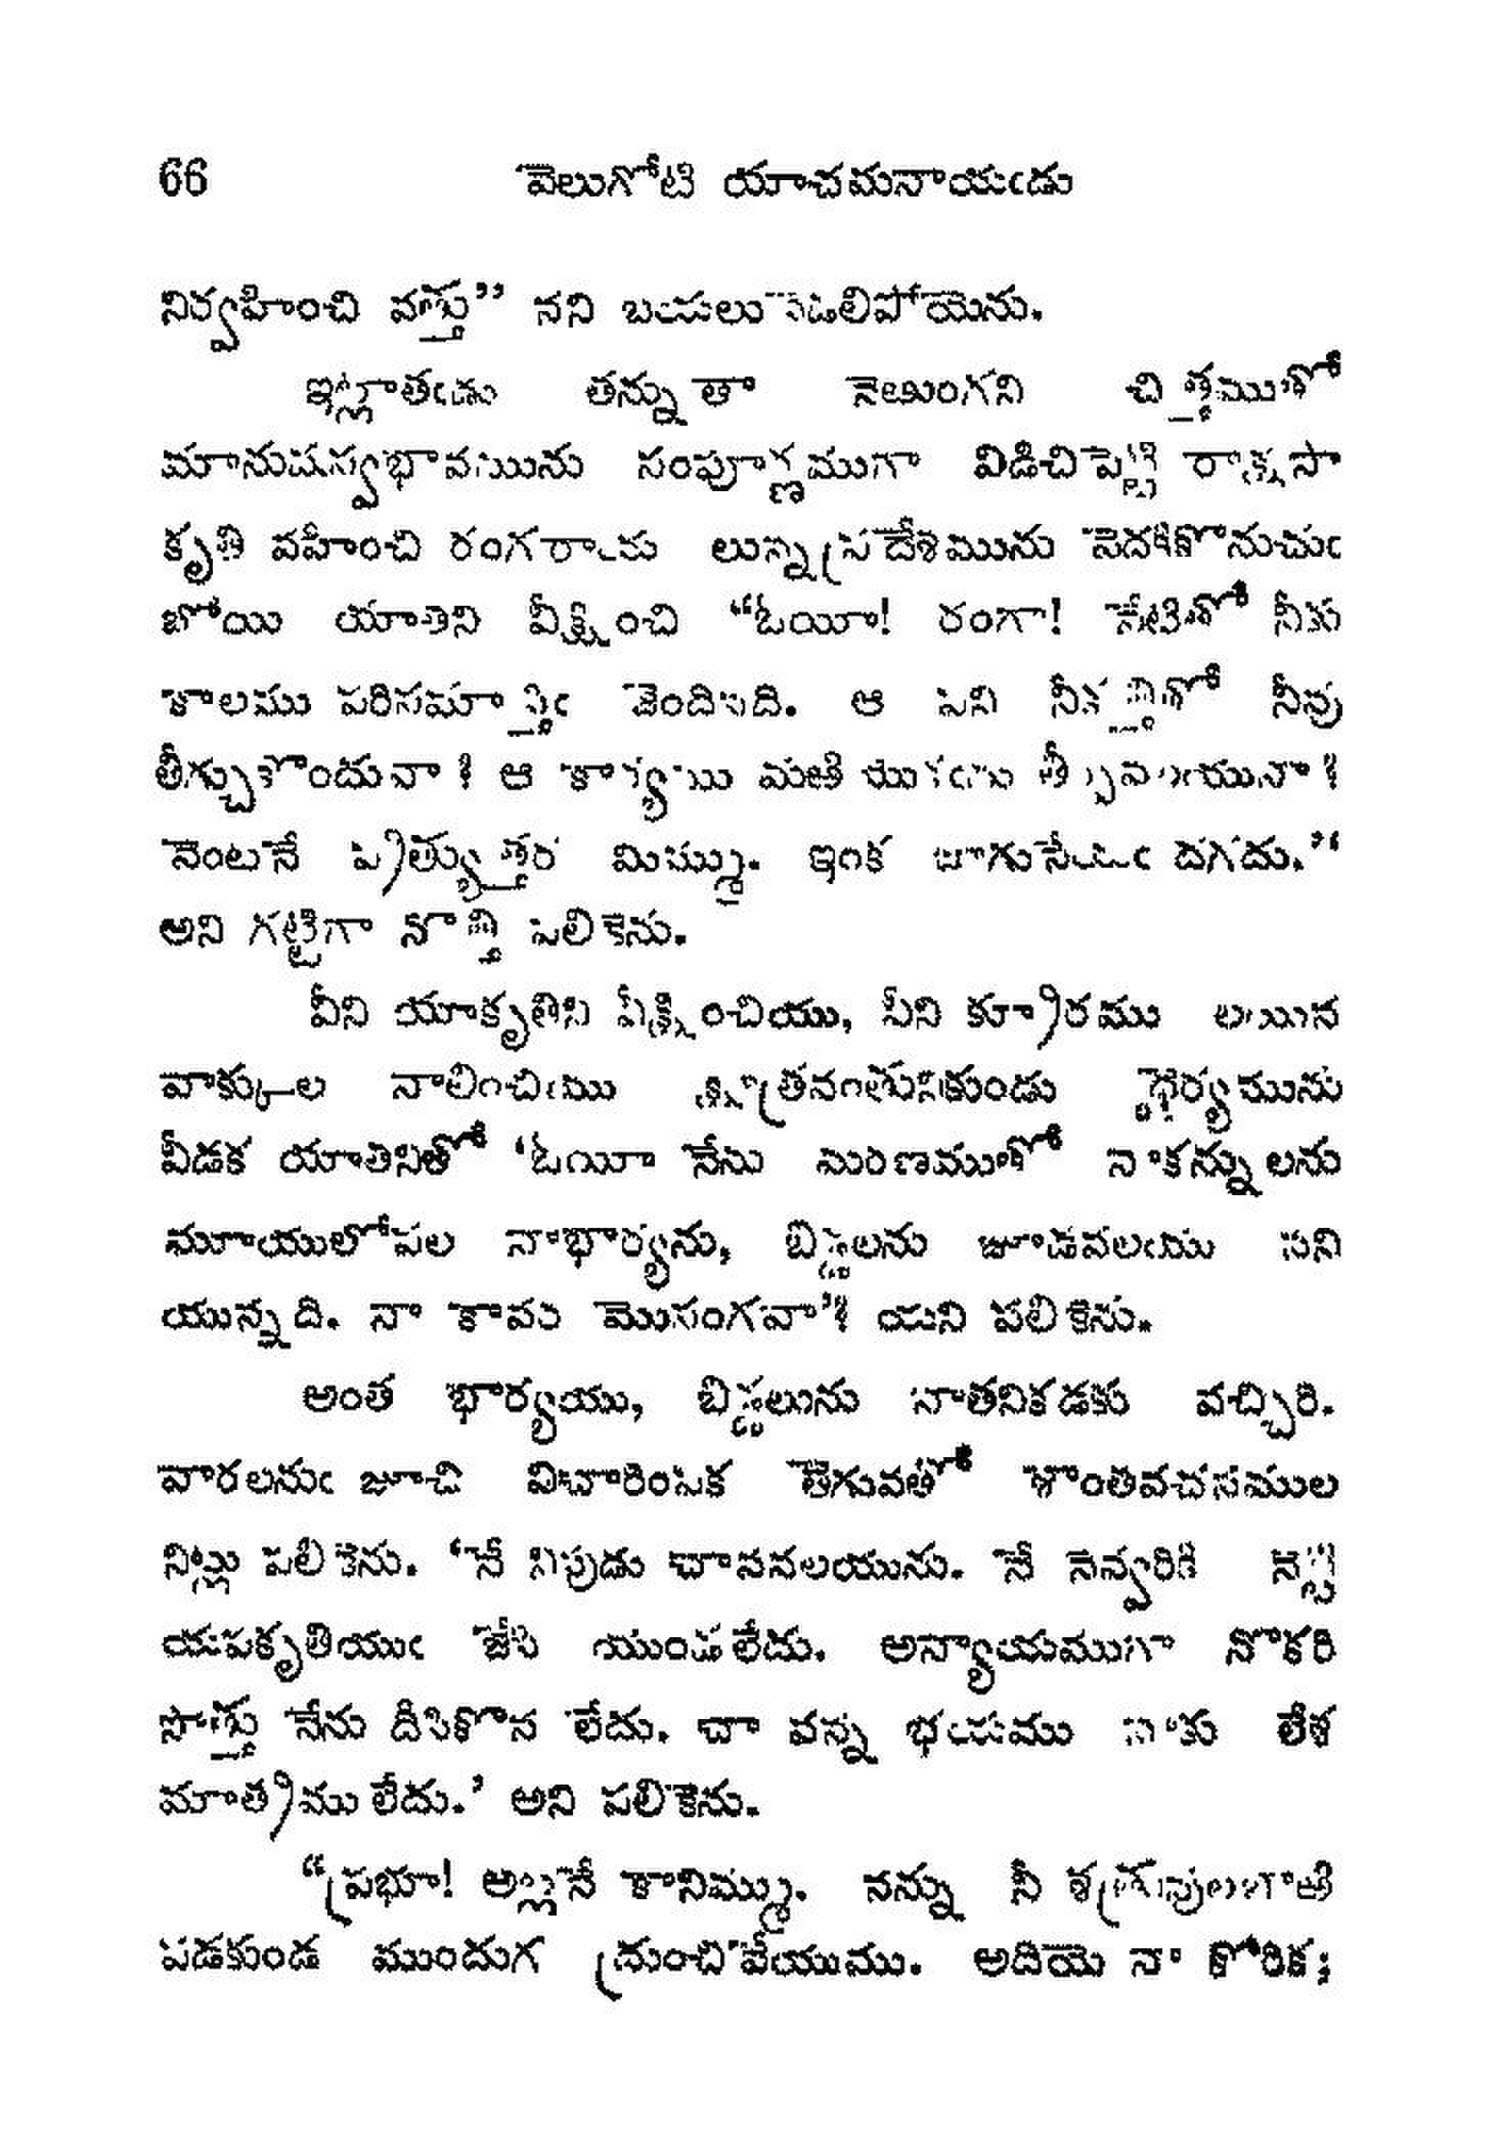నిర్వహించి వత్తు" నని బయలువెడలిపోయెను.

ఇట్లాతఁడు తన్ను తా నెఱుంగని చిత్తముతో మానుషస్వభావమును సంపూర్ణముగా విడిచిపెట్టి రాక్షసాకృతి వహించి రంగరాయ లున్నప్రదేశమును వెదకికొనుచుఁ బోయి యాతని వీక్షించి "ఓయీ! రంగా! నేటితో నీకు కాలము పరిసమాప్తిఁ జెందినది. ఆ పని నీకత్తితో నీవు తీర్చుకొందువా? ఆ కార్యము మఱియొకఁడు తీర్పవలయునా? వెంటనే ప్రత్యుత్తర మిమ్ము. ఇంక జాగుసేయఁ దగదు." అని గట్టిగా నొత్తి పలికెను.

వీని యాకృతిని వీక్షించియు, వీని క్రూరము లయిన వాక్కుల నాలించియు క్షాత్రవంతునికుండు ధైర్యమును వీడక యాతనితో 'ఓయీ నేను మరణముతో నాకన్నులను మూయులోపల నాభార్యను, బిడ్డలను జూడవలయు నని యున్నది. నా కావర మొసంగవా? యని పలికెను.

అంత భార్యయు, బిడ్డలును నాతనికడకు వచ్చిరి. వారలనుఁ జూచి విచారింపక తెగువతో శాంతవచనముల నిట్లు పలికెను. 'నే నిపుడు చావవలయును. నే నెవ్వరికి నెట్టి యపకృతియుఁ జేసి యుండలేదు. అన్యాయముగా నొకరి సొత్తు నేను దీసికొన లేదు. చా వన్న భయము నాకు లేశమాత్రములేదు.' అని పలికెను.

"ప్రభూ! అట్లనే కానిమ్ము. నన్ను నీ శత్రువులబాఱి పడకుండ ముందుగ ద్రుంచివేయుము. అదియె నా కోరిక;